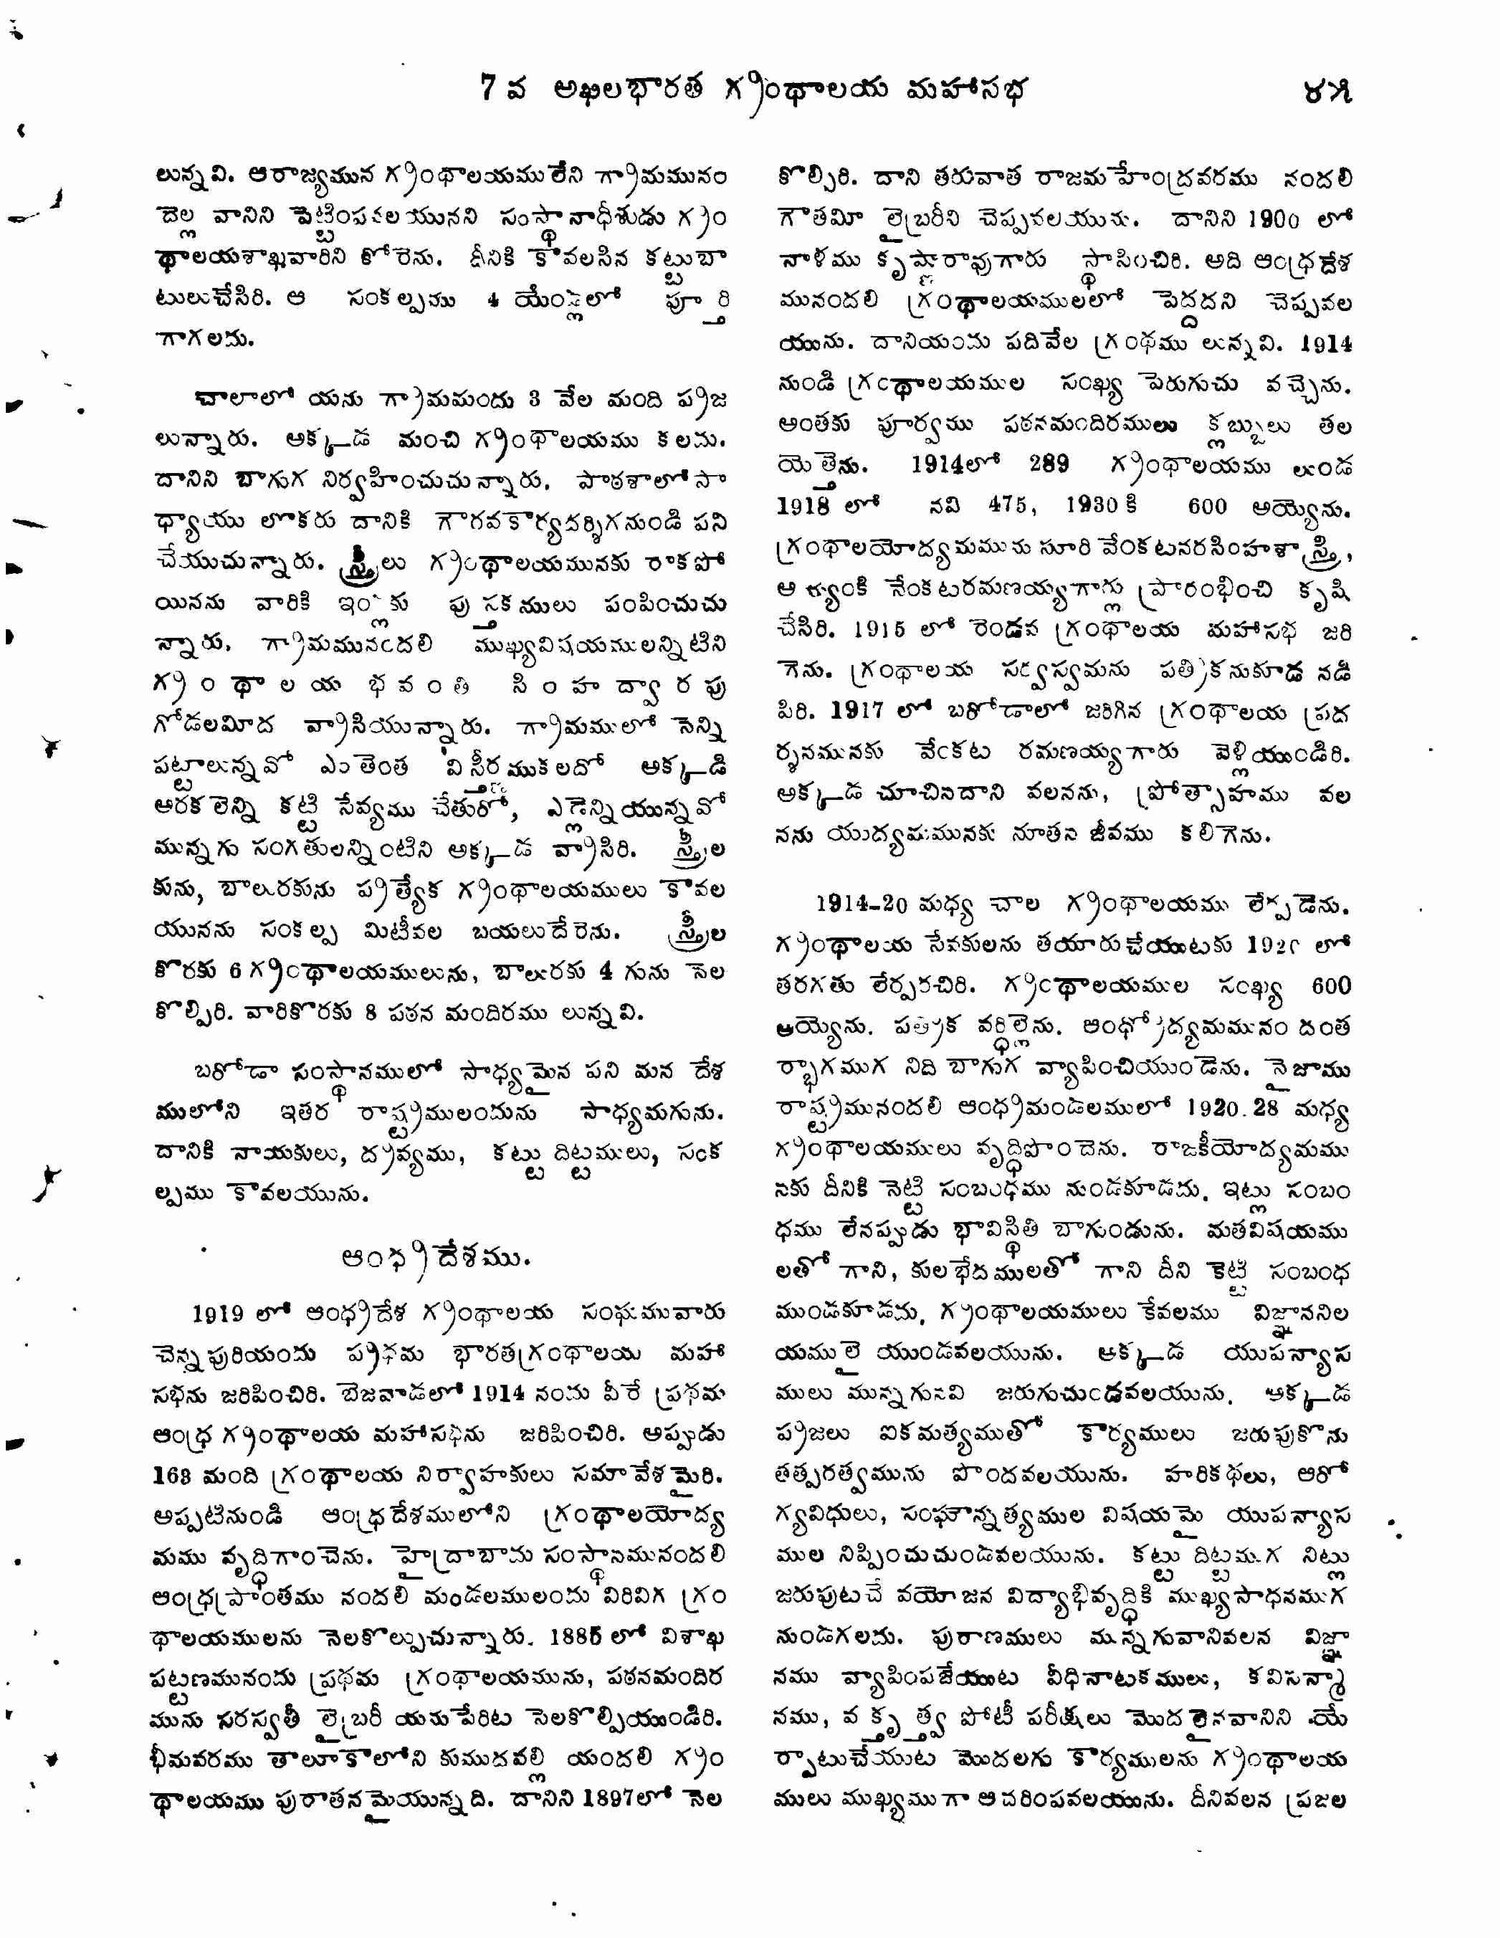లున్నవి. ఆరాజ్యమున గ్రంథాలయము లేని గ్రామమునందెల్ల వానిని పెట్టింపవలయునని సంస్థానాధీశుడు గ్రంథాలయ శాఖ
వారిని కోరెను. దీనికి కావలసిన కట్టుబాటులు చేసిరి. సంకల్పము 4 యేండ్లలో పూర్తి గాగలదు.

చాలాలో యను గ్రామము మందు 3 వేల మంది ప్రజలున్నారు. అక్కడ మంచి గ్రంథాలయము కలదు. దానిని బాగుగ నిర్వహించు చున్నారు. పాఠశాలో సాధ్యాయు లొకరు దానికి గౌరవ కార్యదర్శిగ నుండి పని చేయుచున్నారు. స్త్రీలు గ్రంథాలయమునకు 
రాకపోయినను వారికి ఇండ్లకు పుస్తకములు పంపించుచున్నారు. గ్రామమునఁదలి ముఖ్య విషయములన్నిటిని గ్రంథాలయ భవంతి సింహద్వారపు గోడలమీద వ్రాసియున్నారు. గ్రామములో నెన్ని పట్టాలున్నవో ఎంతెంత విస్తీర్ణము కలదో అక్కడి అరకలెన్ని కట్టి 
సేద్యము చేతురో, ఎడ్లున్నియున్నవో మున్నగు సంగతులన్నింటిని అక్కడ వ్రాసిరి. స్త్రీలకును, బాలురకును ప్రత్యేక 
గ్రంథాలయములు కావలయునను సంకల్ప మిటీవల బయలుదేరెను. స్త్రీల కొరకు 6 గ్రంథాలయములును, బాలురకు 4 గును 
నెలకొల్పిరి. వారికొరకు 8 పఠన మందిరము లున్నవి. 

బరోడా సంస్థానములో సాధ్యమైన పని మన దేశములోని ఇతర రాష్ట్రములందును సాధ్యమగును. దానికి నాయకులు, ద్రవ్యము, కట్టు
దిట్టములు, సంకల్పము కావలయును.

1919 లో ఆంధ్రదేశ గ్రంథాలయ సంఘమువారు చెన్నపురియందు ప్రధమ భారత గ్రంథాలయ మహాసభను జరిపించిరి. బెజవాడలో 
1914 నందు వీరే ప్రథమ ఆంధ్ర గ్రంథాలయ మహాసభను జరిపించిరి. అప్పుడు 168 మంది గ్రంథాలయ నిర్వాహకులు సమావేశమైరి.
అప్పటినుండి ఆంధ్రదేశములోని గ్రంథాలయోద్యమము వృద్ధిగాంచెను. హైద్రాబాదు సంస్థానమునందలి ఆంధ్రప్రాంతము నందలి మండలములందు విరివిగ గ్రంథాలయములను నెలకొల్పుచున్నారు. 1885 లో విశాఖ పట్టణమునందు ప్రథమ గ్రంథాలయమును, పఠనమందిరమును సరస్వతీ లైబ్రరీ యను పేరిట నెలకొల్పియుండిరి. భీమవరము తాలూకాలోని కుముదవల్లి యందలి 
గ్రాంథాలయము పురాతన మైయున్నది. దానిని 1897లో నెలకొల్చిరి. దాని తరువాత రాజమహేంద్రవరము నందలి గౌతమి లైబ్రరీని చెప్పవలయును. దానిని 1900 లో నాళము కృష్ణారావుగారు స్థాపించిరి. అది ఆంధ్రదేశమునందలి గ్రంథాలయములలో పెద్దదని చెప్పవలయును. దానియందు పదివేల గ్రంథము లున్నవి. 1914 నుండి గ్రంథాలయముల సంఖ్య పెరుగుచు వచ్చెను. అంతకు పూర్వము పఠనమందిరములు క్లబ్బులు తలయెత్తెను. 1914లో 289 గ్రంథాలయము లుండ 1918 లో నవి 475, 1930 600 అయ్యెను.
గ్రంథాలయోద్యమమును సూరి వేంకటనరసింహశాస్త్రి, ఆద్యంకి వెంకటరమణయ్యగార్లు ప్రారంభించి కృషిచేసిరి. 1915 లో రెండవ గ్రంథాలయ మహాసభ జరిగెను. గ్రంథాలయ సర్వస్వమను పత్రికనుకూడ నడిపిరి. 1917 లో బరోడాలో జరిగిన గ్రంథాలయ 
ప్రదర్శనమునకు వేంకట రమణయ్య గారు వెళ్లియుండిరి. అక్కడ చూచినదాని వలనను, ప్రోత్సాహము వలనను యుద్యమమునకు నూతన జీవము కలిగెను .

1914–20 మధ్య చాల గ్రంథాలయము లేర్పడెను. గ్రంథాలయ సేవకులను తయారుచేయుటకు 1920 లో తరగతు లేర్పరచిరి. గ్రంథాలయముల సంఖ్య 600 ఆయ్యెను. పత్రిక వర్ధిల్లెను, ఆంధ్రోద్యమమునం దంతర్భాగముగ నిది బాగుగ వ్యాపించియుండెను. నైజాము రాష్ట్రమునందలి ఆంధ్రమండలములో 1920. 28 మధ్య గ్రాంథాలయములు వృద్ధిపొందెను. రాజకీయోద్యమమునకు దీనికి నెట్టి సంబంధము నుండకూడదు. ఇటు సంబంధము లేనప్పుడు భావిస్థితి బాగుండును. మతవిషయములతో గాని, కులభేదములతో గాని దీని కెట్టి సంబంధముండకూడదు, గ్రంథాలయములు కేవలము విజ్ఙాన నిలయములై యుండవలయును. అక్కడ యుపన్యాసములు మున్నగునవి జరుగుచుండవలయును. అక్కడ ప్రజలు ఐకమత్యముతో కార్యములు జరుపుకొను తత్పరత్వమును పొందవలయును. హరికథలు, ఆరోగ్యవిధులు, సంఘాన్నత్యముల విషయమై యుపన్యాసముల నిప్పించుచుండవలయును. కట్టు దిట్టముగ నిట్లు జరుపుటచే వయోజన విద్యాభివృద్ధికి ముఖ్యసాధనముగ నుండగలదు. పురాణములు మన్నగువానివలన విజ్ఙానము వ్యాపింపజేయుట వీధినాటకములు, కవి సన్మానము, వకృత్వ పోటీ పరీక్షలు మొదలైనవానిని యేర్పాటుచేయుట మొదలగు కార్యములను గ్రంథాలయములు ముఖ్యముగా ఆచరింపవలయును. దీనివలన ప్రజల